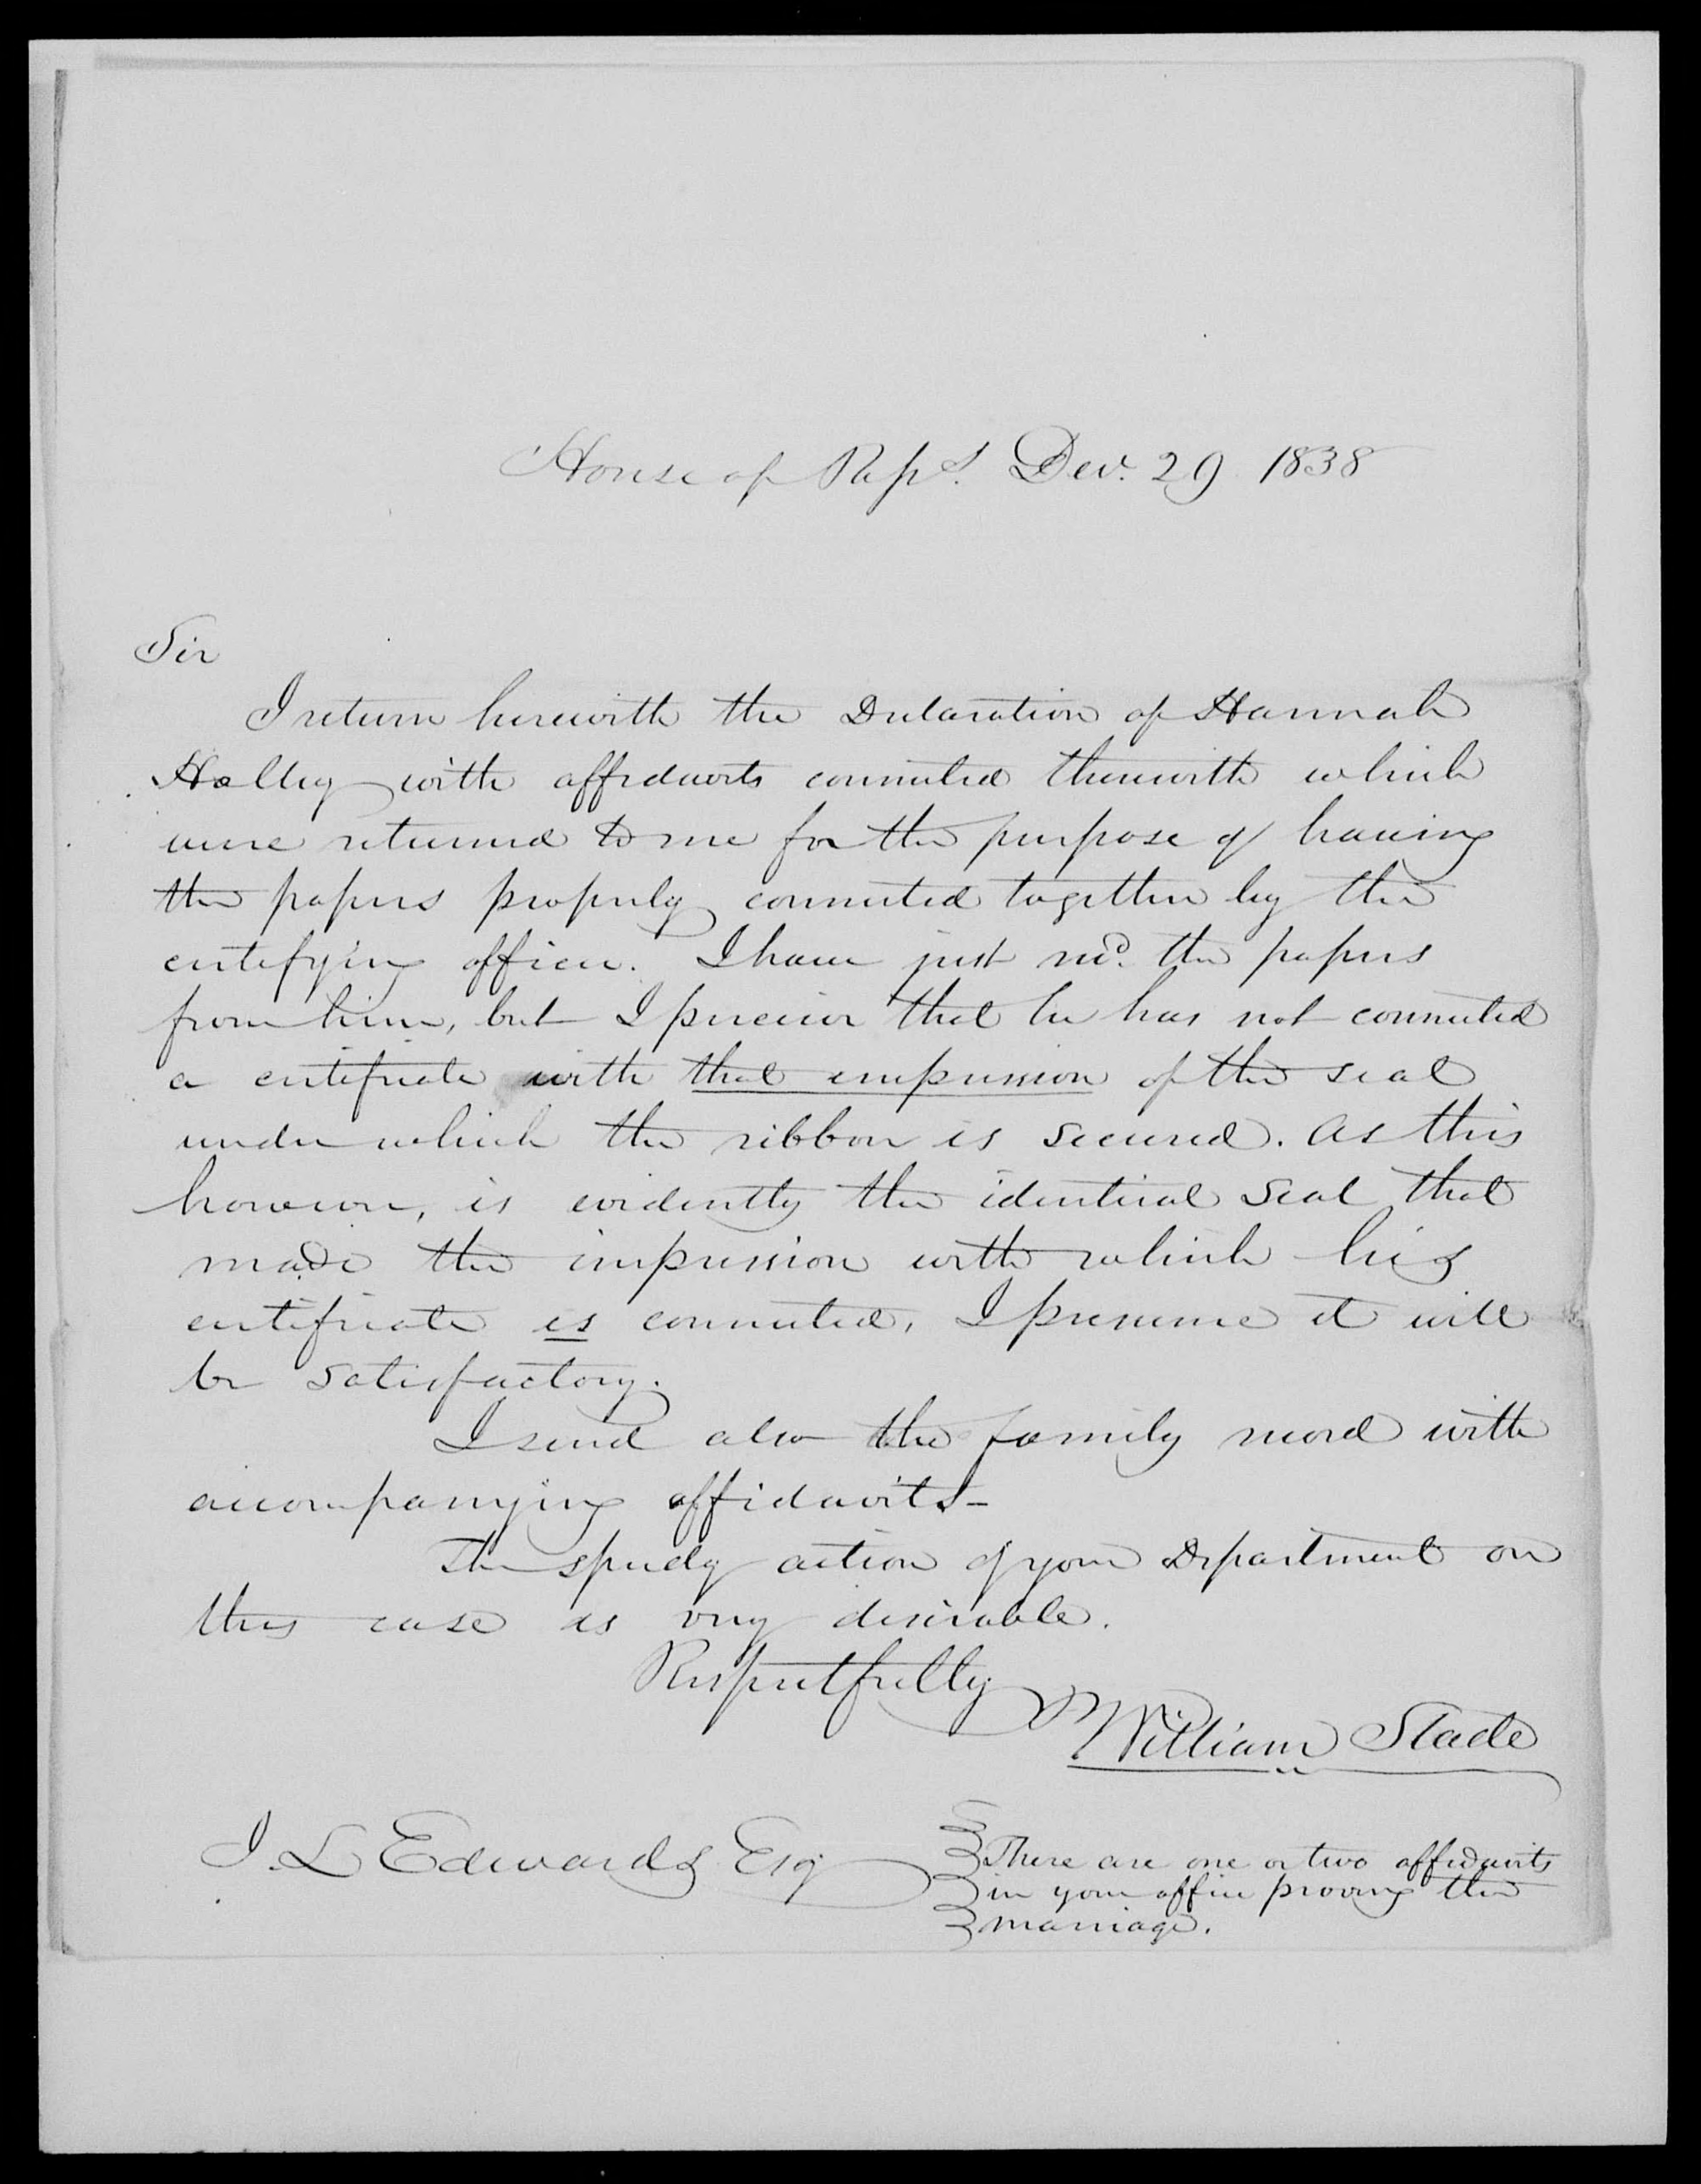House of Reps Dec 29 1838
I return herewith the Declaration of Hannah
Holley with affidavits connected therewith which
were returned to me for the purpose of having
the papers properly connected together by the
certifying officer. I have just rec'd the papers
from him, but I perceive that he has not connected
a certificate with that impression of the seal
under which the ribbon is secured, as this
however, is evidently the identical Seal that
made the impression with which his
certificate is connected, I presume it will be
satisfactory 
I send also the family record with
accompanying affidavits 
The speedy action of your Department on
this case is very desirable
Respectfully William Slade

J L Edwards  Esq.
There are one or two affidavits
in your office proving the
marriage.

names: J L Edwards, Hannah Holley, William Slade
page: 31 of 62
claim: widow's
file: W. 21391, Robert Holley, Conn.